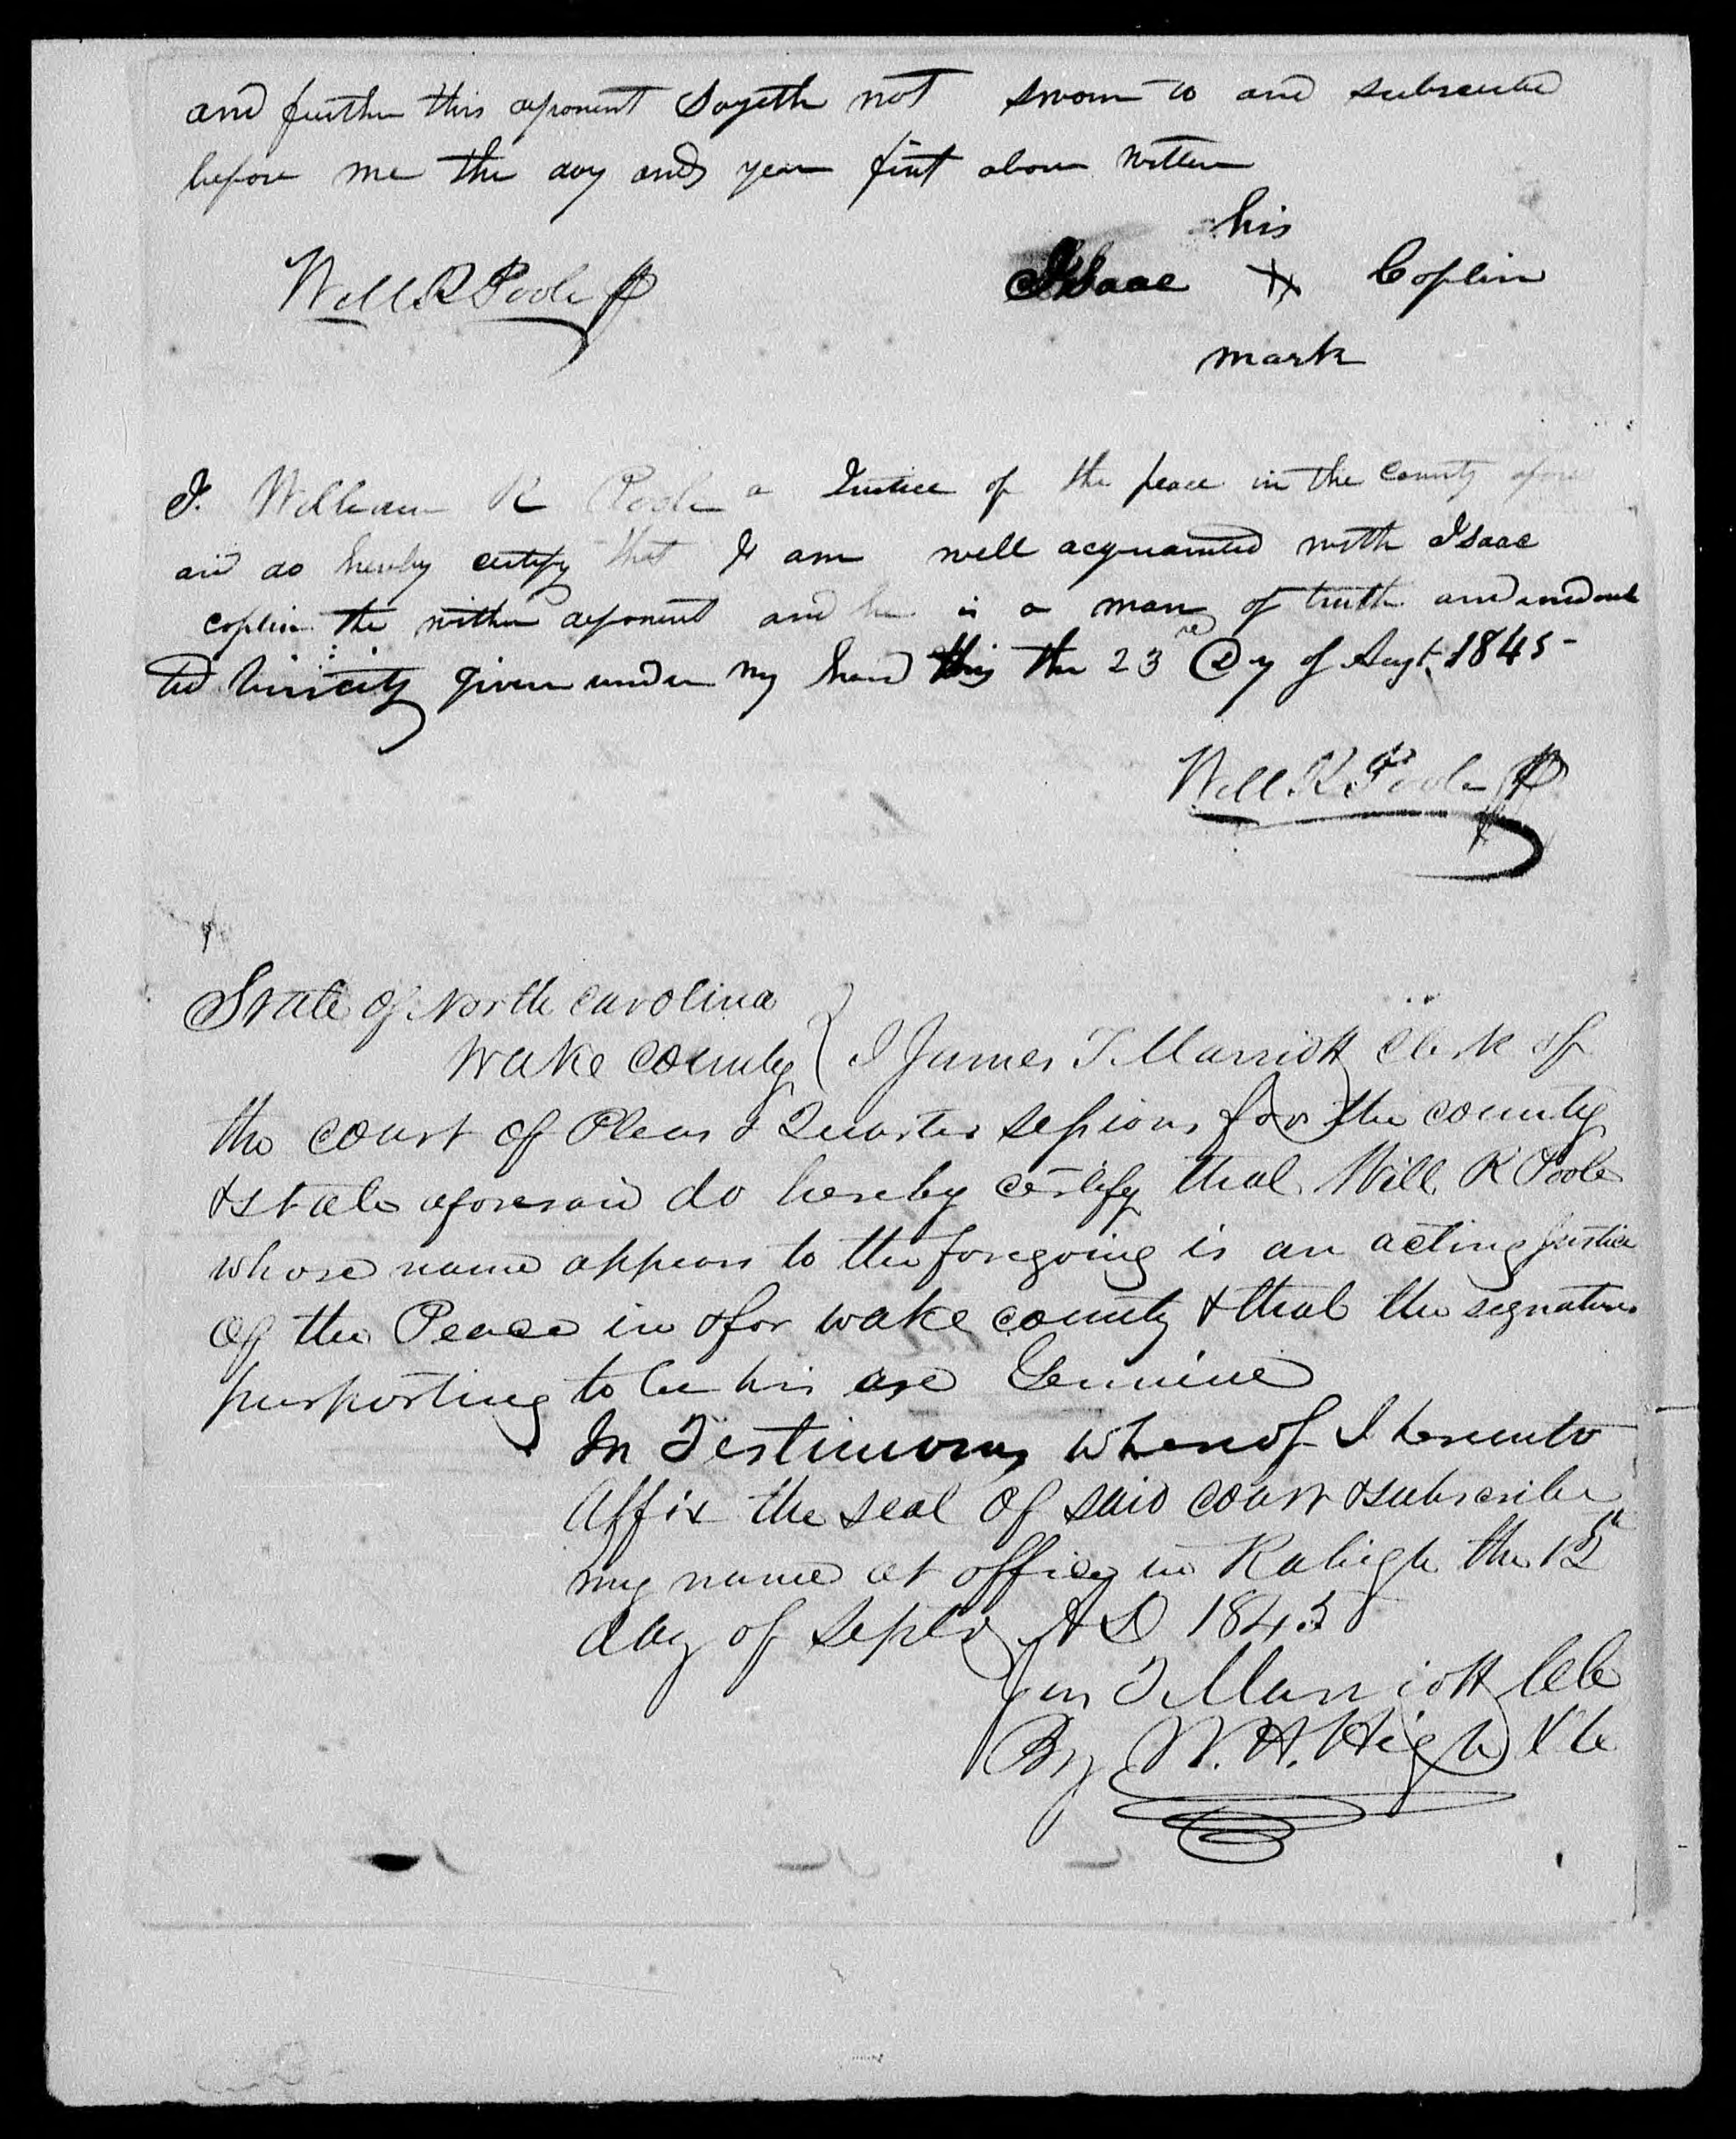and further this deponent sayeth not Sworn to and subscribed me the day and year first above written   Isaac Coplin his mark     Will. R. Poole  
I, William R Poole a Justice of the peace in the County aforesaid and do hereby certify that I am well acquainted with Isaac Coplin the within deponent and he is a man of truth and under veracity given under my hand this the 23d day of Augt 1845 Will R. Poole      
State of North Carolina Wake County I James T. Marriott Clerk of the Court of Pleas & Quarter Sessions for the County & State aforesaid do hereby certify that Will R. Poole whose name appears to the foregoing is an acting justice of the Peace in and for wake County and that the signatures to be his are Genuine        
In Testimony whereof I hereunto affix the seal of said Court and subscribe my name at office in Raleigh the 12th day of Sept AD 1845    Jim T Marriott [unreadable]   By W. H. High [unreadable]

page: 24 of 74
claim: rejected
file: R. 5600, for Abel Johnson, North Carolina